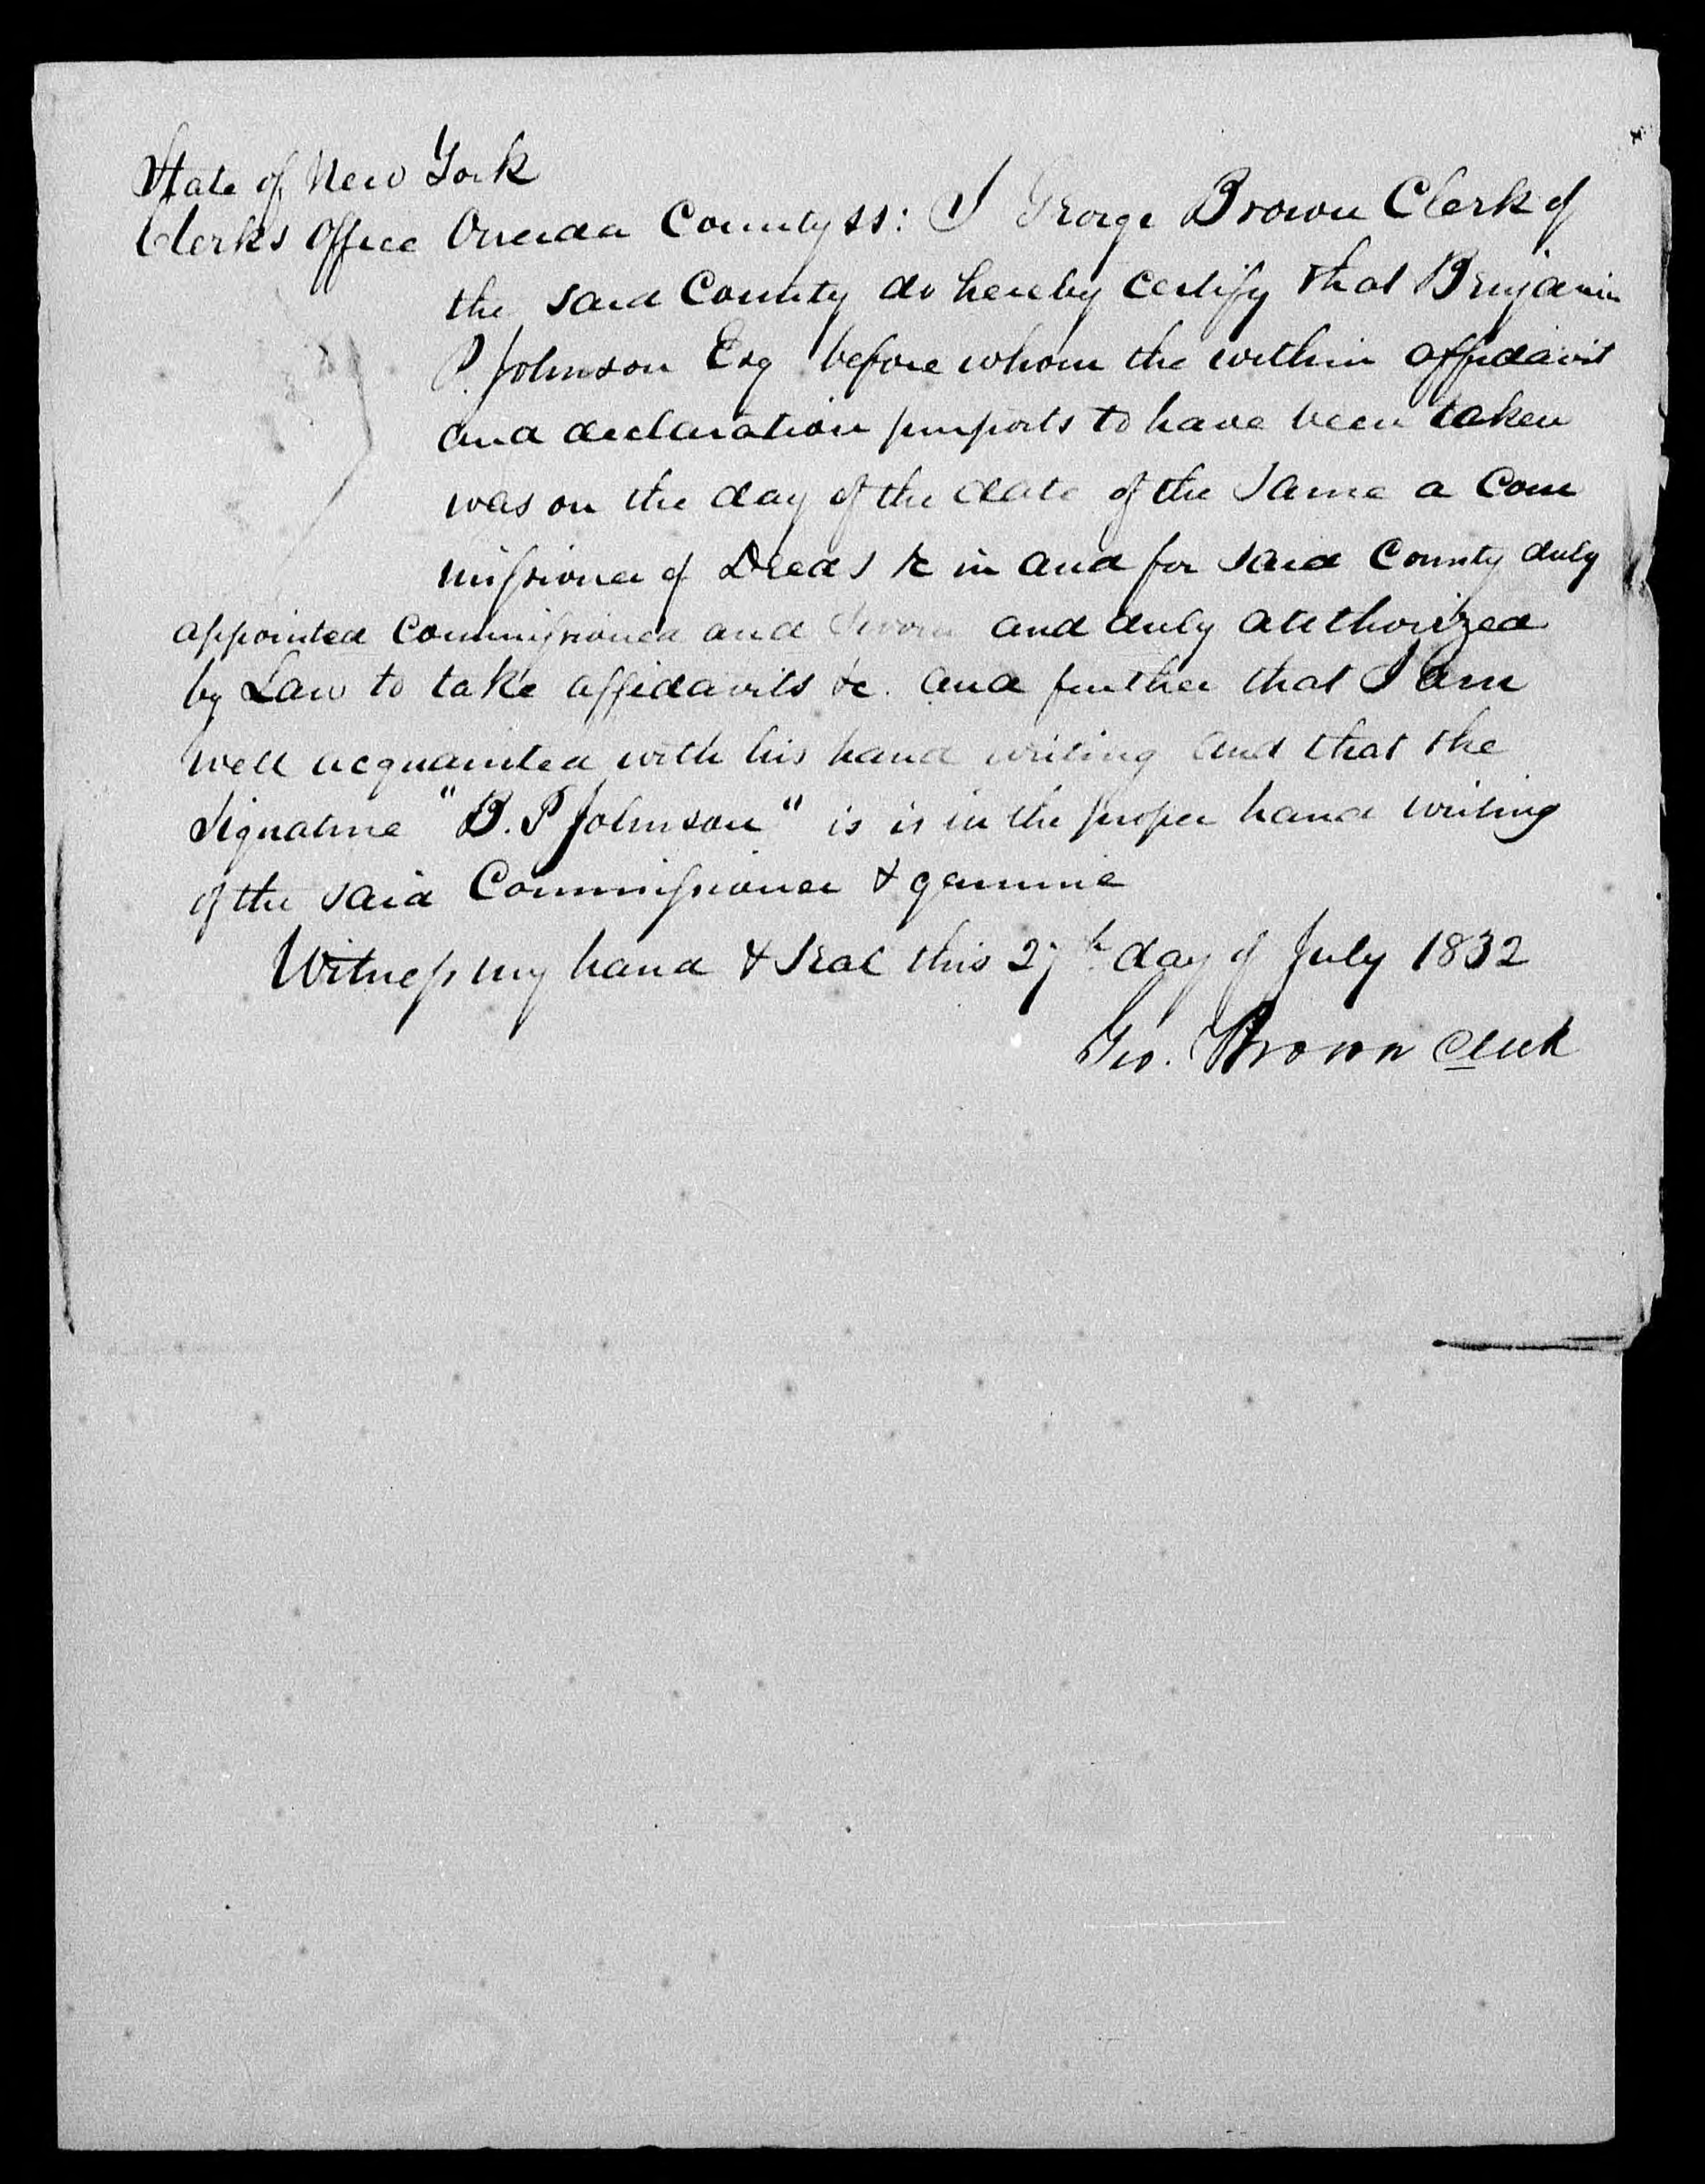State of New York
Clerks Office Oneida County ss: I George Brown Clerk of the said County do hereby certify that Benjamin P. Johnson Esq before whom the within affidavit and declaration purports to have been taken was on the day of the date of the same a Commissioner of Deeds  &c in and for said County duly appointed commissioned and sworn and duly authorized by Law to take affidavits &c. and further that I am well acquainted with his hand writing and that the Signature "B. P. Johnson" is is in the proper hand writing of the said Commissioner & genuine
Witness my hand & seal this 27th day of July 1832
Geo. Brown Clerk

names: B P Johnson, George Brown, Geo Brown, Benjamin P Johnson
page: 10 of 15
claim: survivor's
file: S. 29,166, Dayton Fuller, Conn.